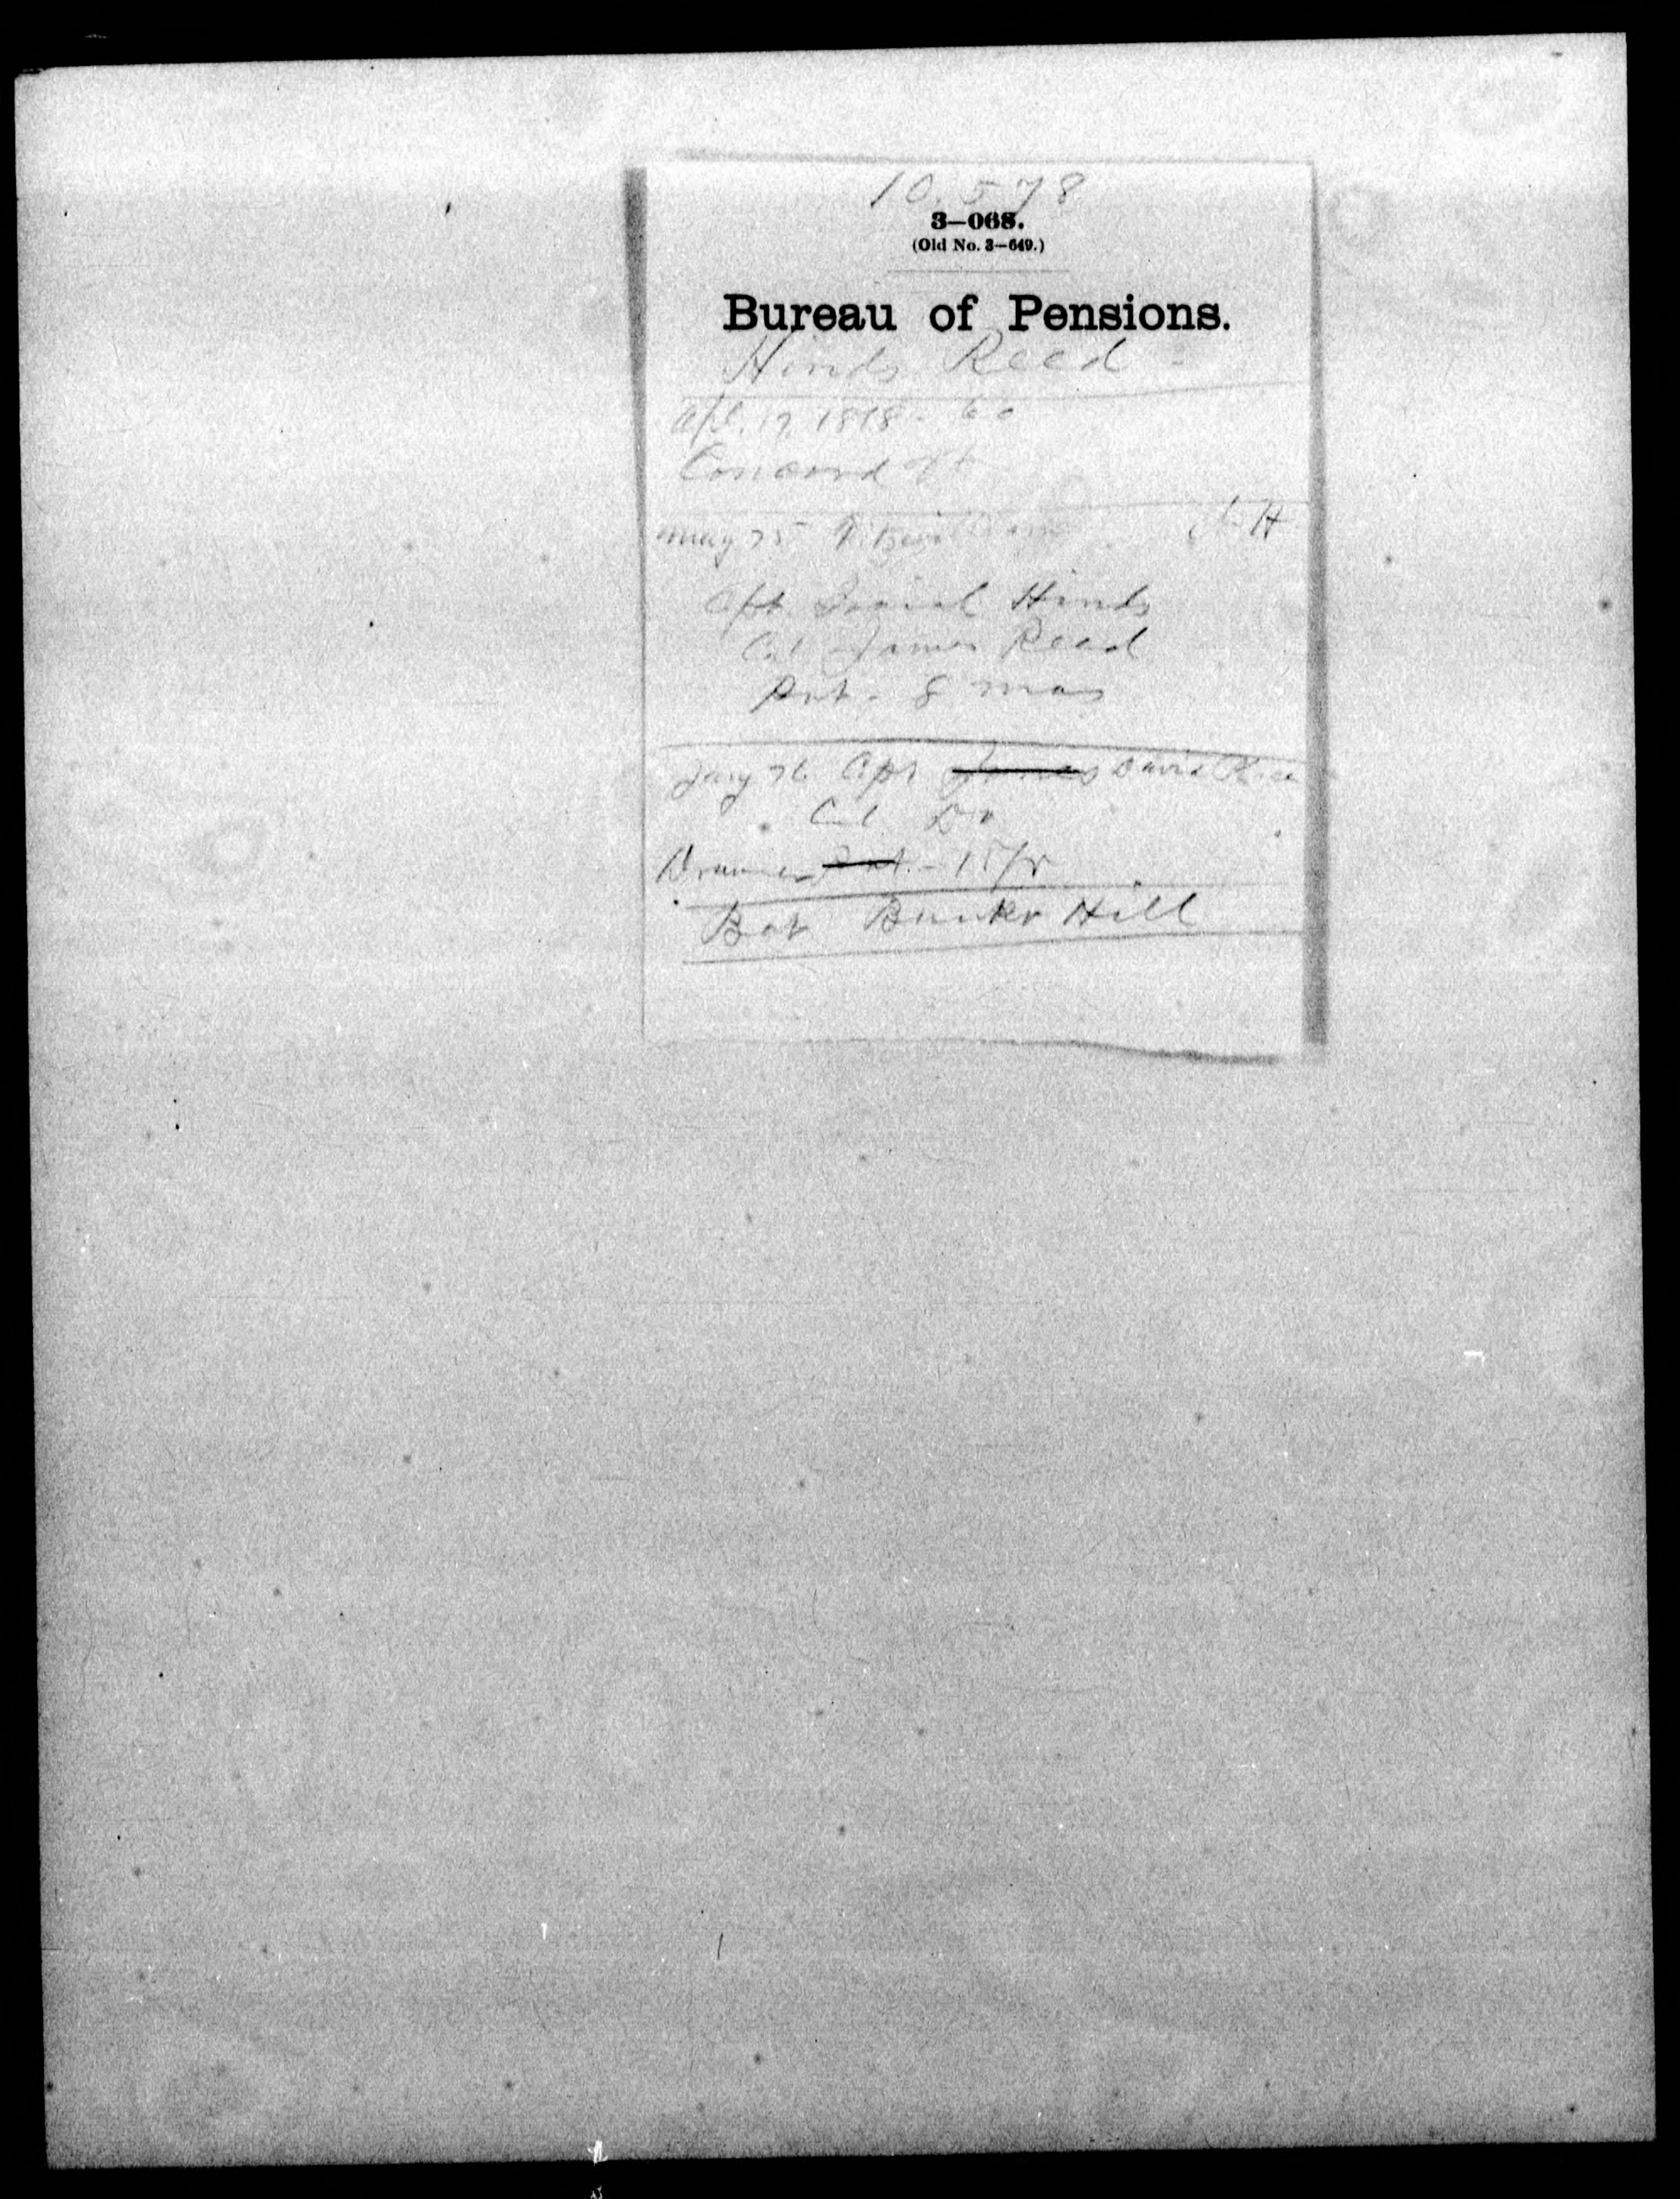10578
3-065.
(Old No. 3-549.)
Bureau of Pensions.
Hinds Reed
Apl 17 1818 60
Concord Vt
May 75 Fitzwilliam NH
Opt Josiah Hinds
Col James Reed
Pvt 8 mos
Jany 76 Apr David Kace
Col D
[illegible]
Bat Bunkr Hill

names: James Reed; Hinds Reed; David Rice; Josiah Hinds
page: 10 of 19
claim: survivor's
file: S 41975, for Hinds Reed, New Hampshire